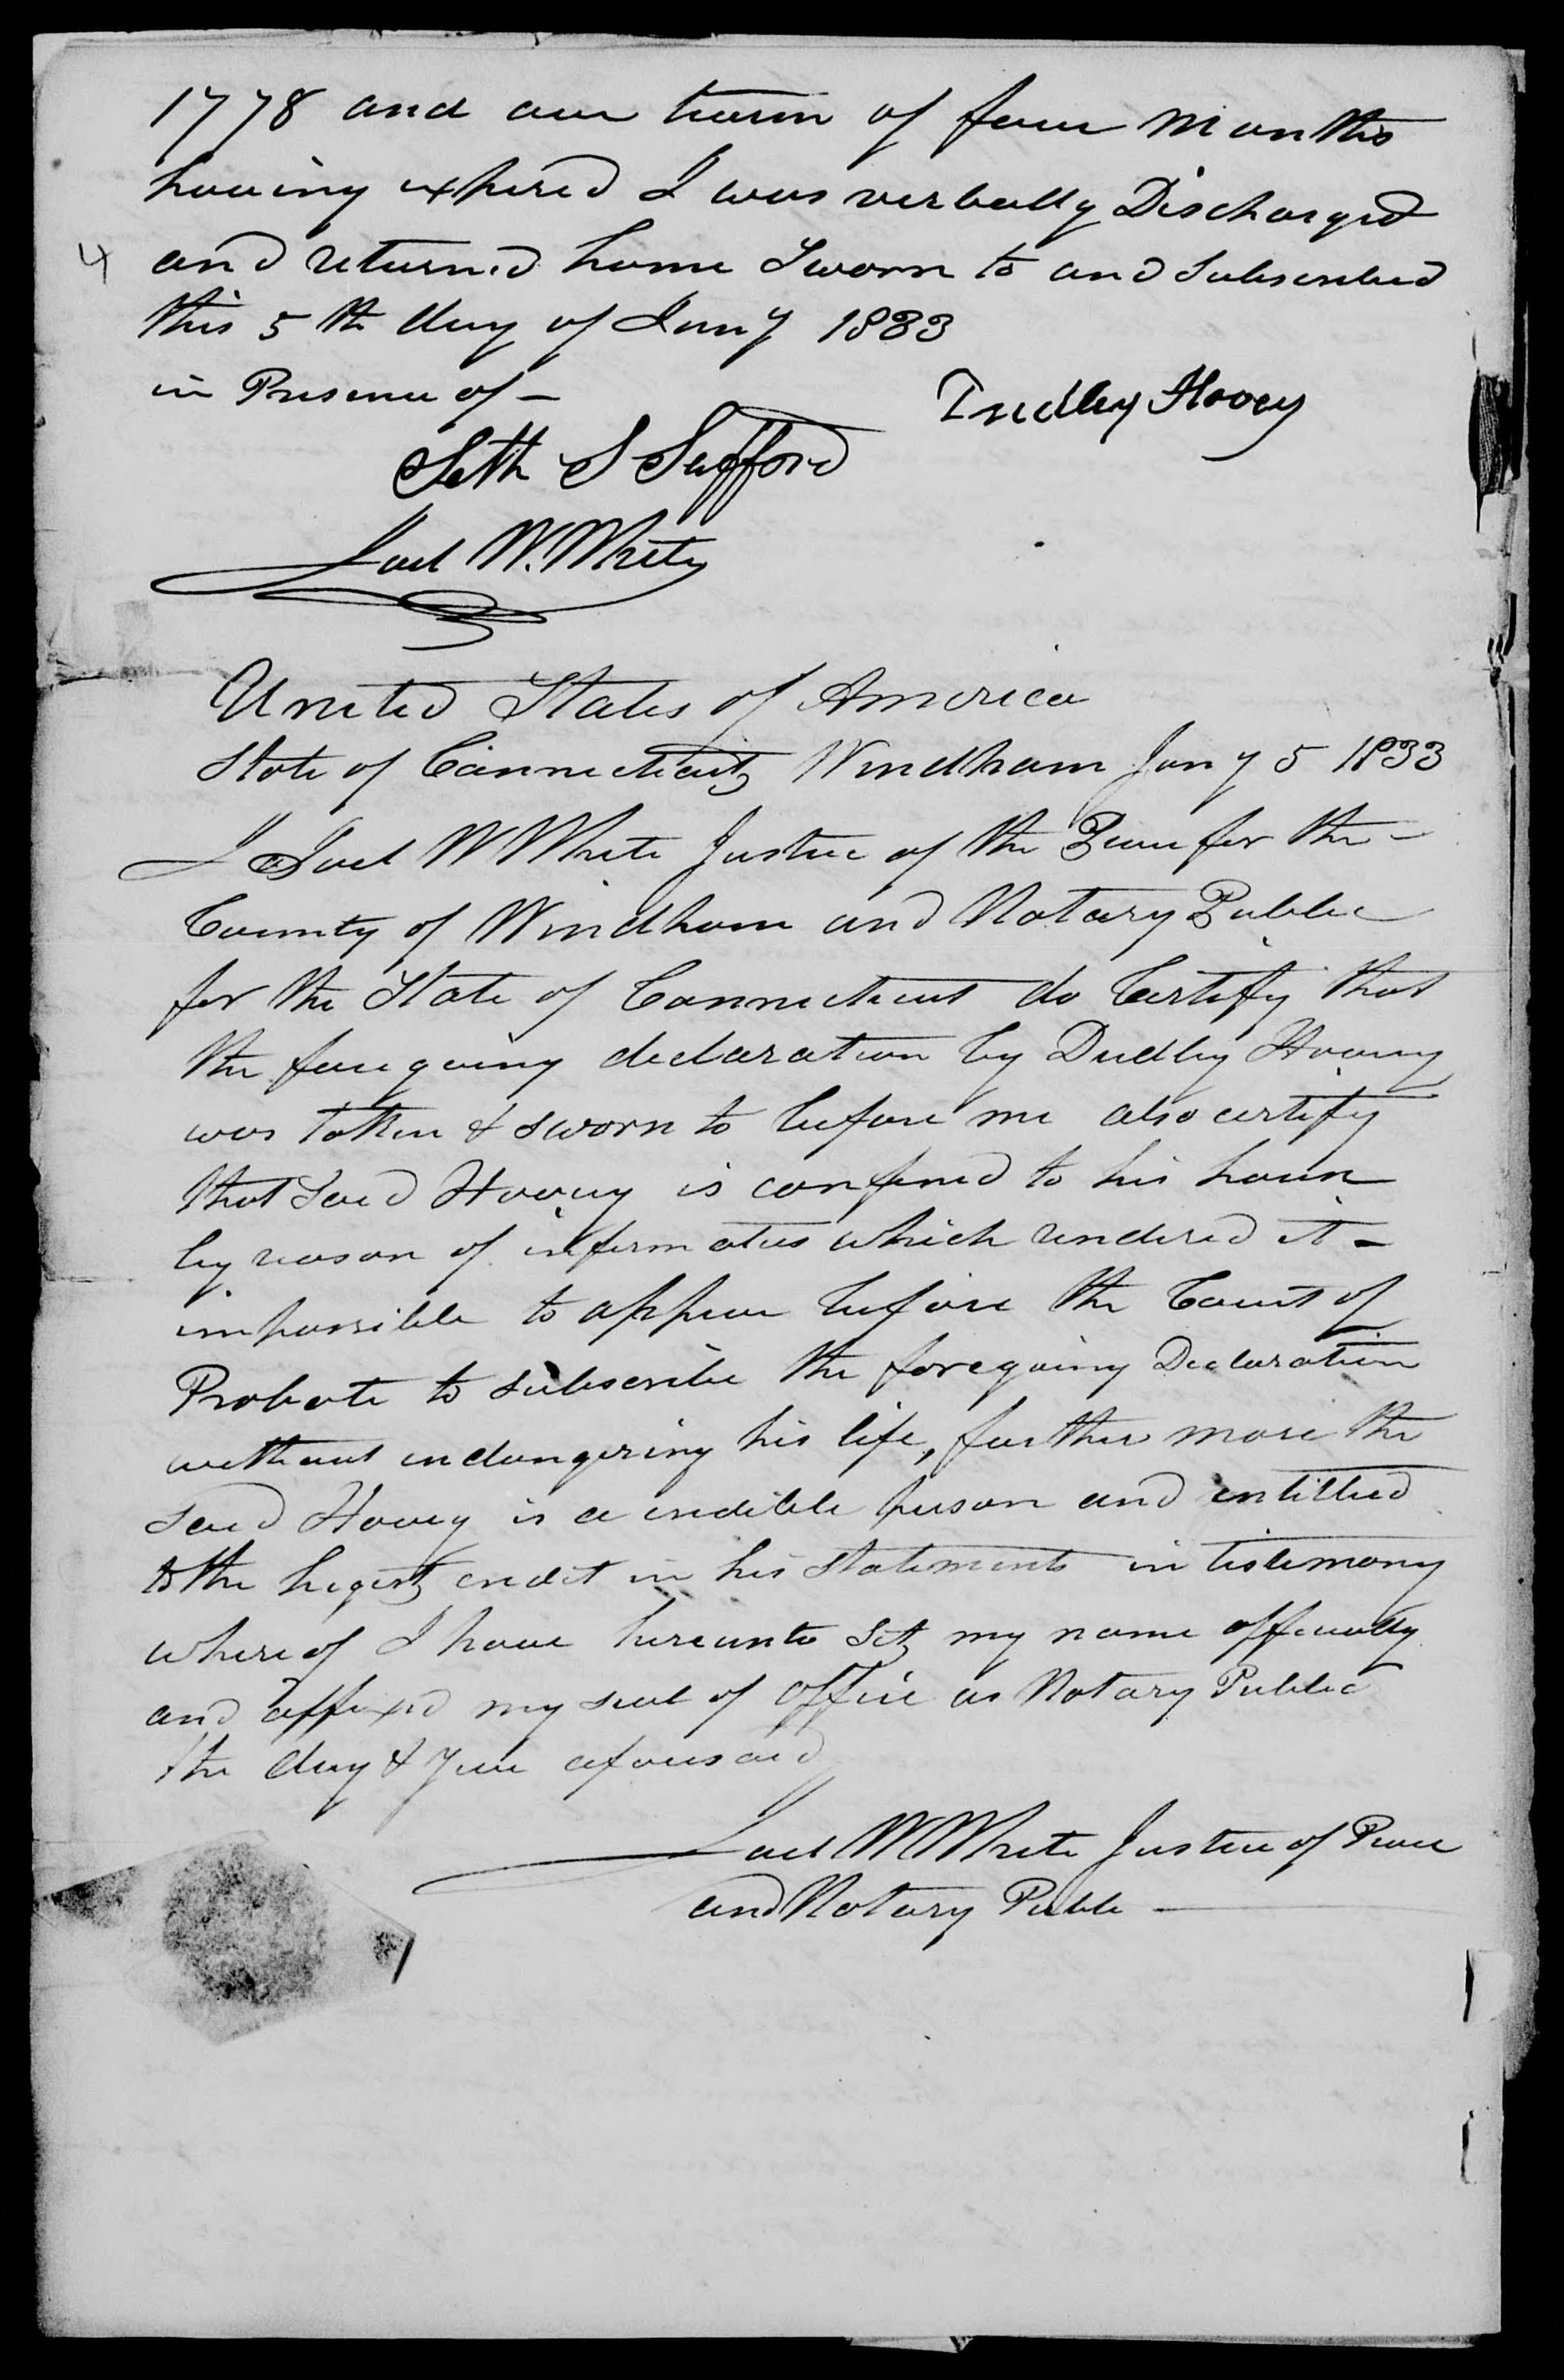1778 and our term of four months
having expired I was verbally Discharged
and returned home Sworn to and Subscribed
this 5th Day of Jany 1833
[signed] Dudley Hovey
in Presence of - 
[signed] Seth S. Safford
Joel W. White

United States of America
State of Connecticut, Windham Jany 5 1833
Joel W White Justice of the Peace for the
County of Windham and Notary Public
for the State of Connecticut do Certify that 
the forgoing declaration by Dudley Hovey
was taken & sworn to before me also cerify
that Said Hovey is confined to his house
by reason of infirmaties which rendered it
impossible to appear before the Court of 
Probate to subscribe the foregoing Declarationi
without endangering his life, further more the
Said Hovey is a credible person and entitled 
to the highest credit in his statements in testimony
where of I have here unto set my name officially
and affixed my seal of office as Notary Public
the
[signed] Joel W. White Justice of Peace
and Notary Public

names: Dudley Hovey, Seth S Safford, Joel W White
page: 4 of 13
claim: survivor's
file: S. 18451, Dudley Hovey, Conn.